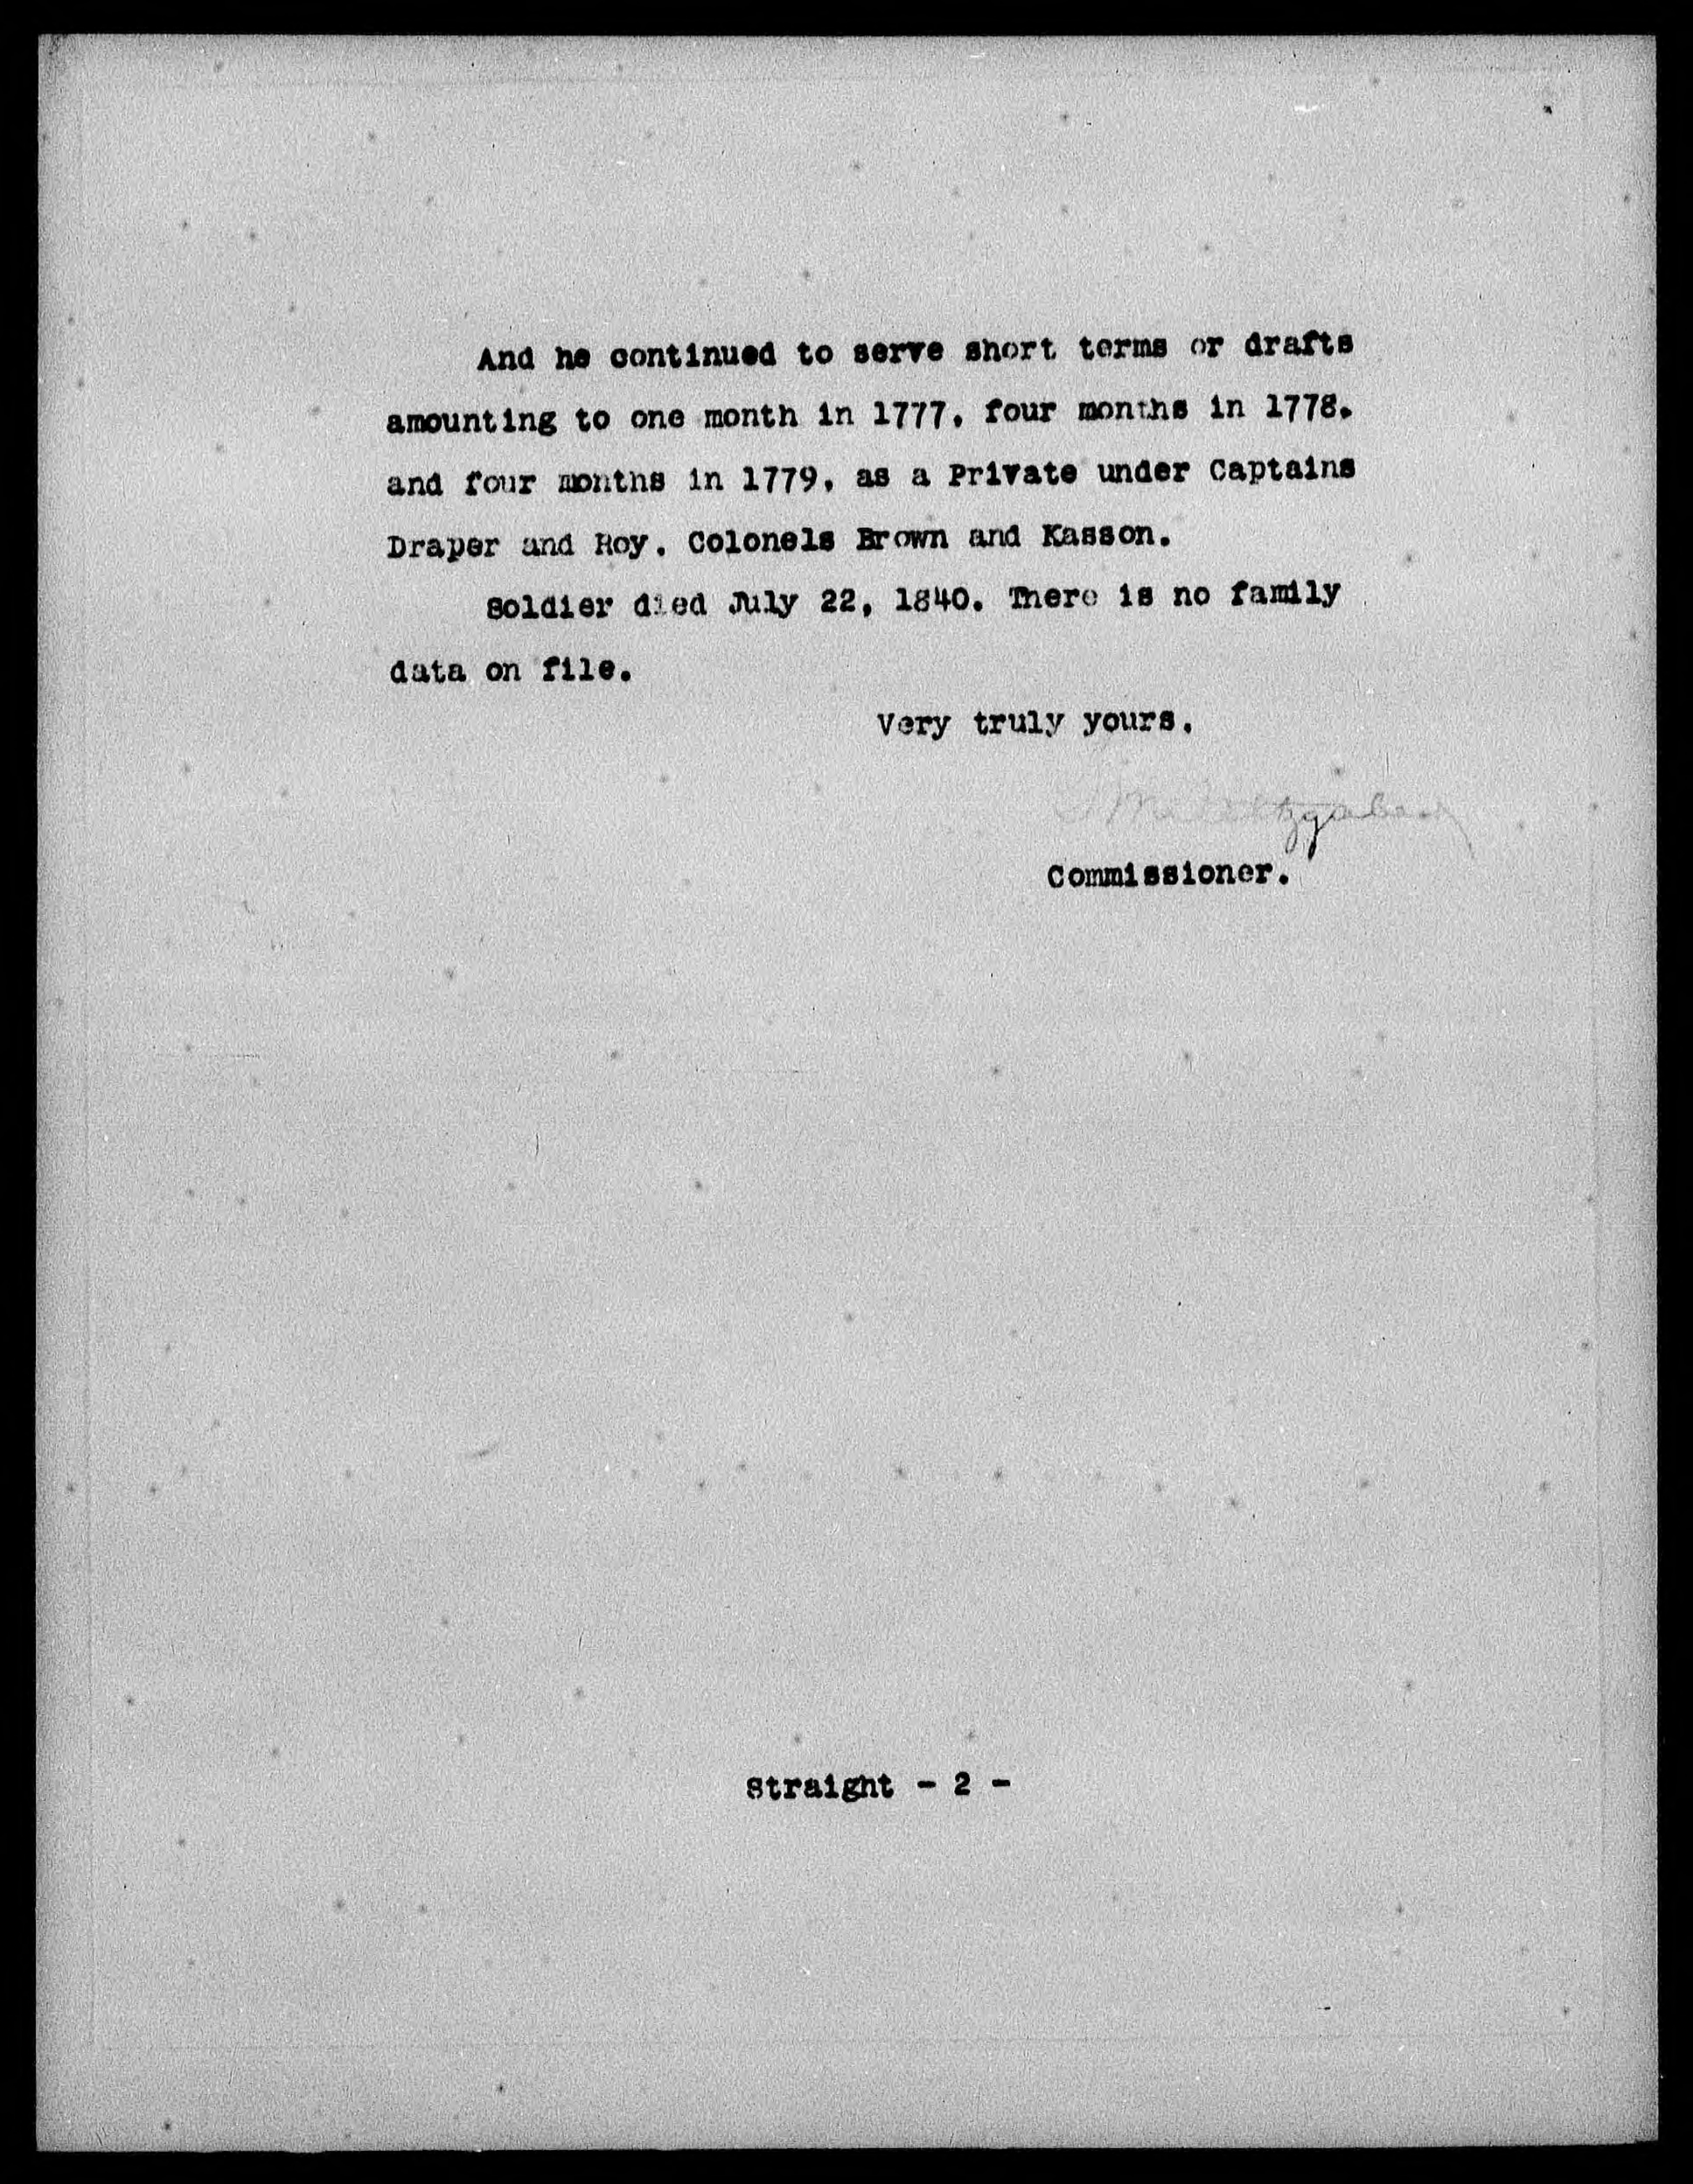And he continued to serve short terms or drafts amounting to one month in 1777, four months in 1778, and four months in 1779, as a Private under Captains Draper and Roy, Colonels Brown and Kasson.
Soldier died July 22, 1840. There is no family data on file.

Very truly yours,

Commissioner


strait -2-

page: 16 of 27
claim: survivor's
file: S. 21,516, for Nathan Straight, Rhode Island